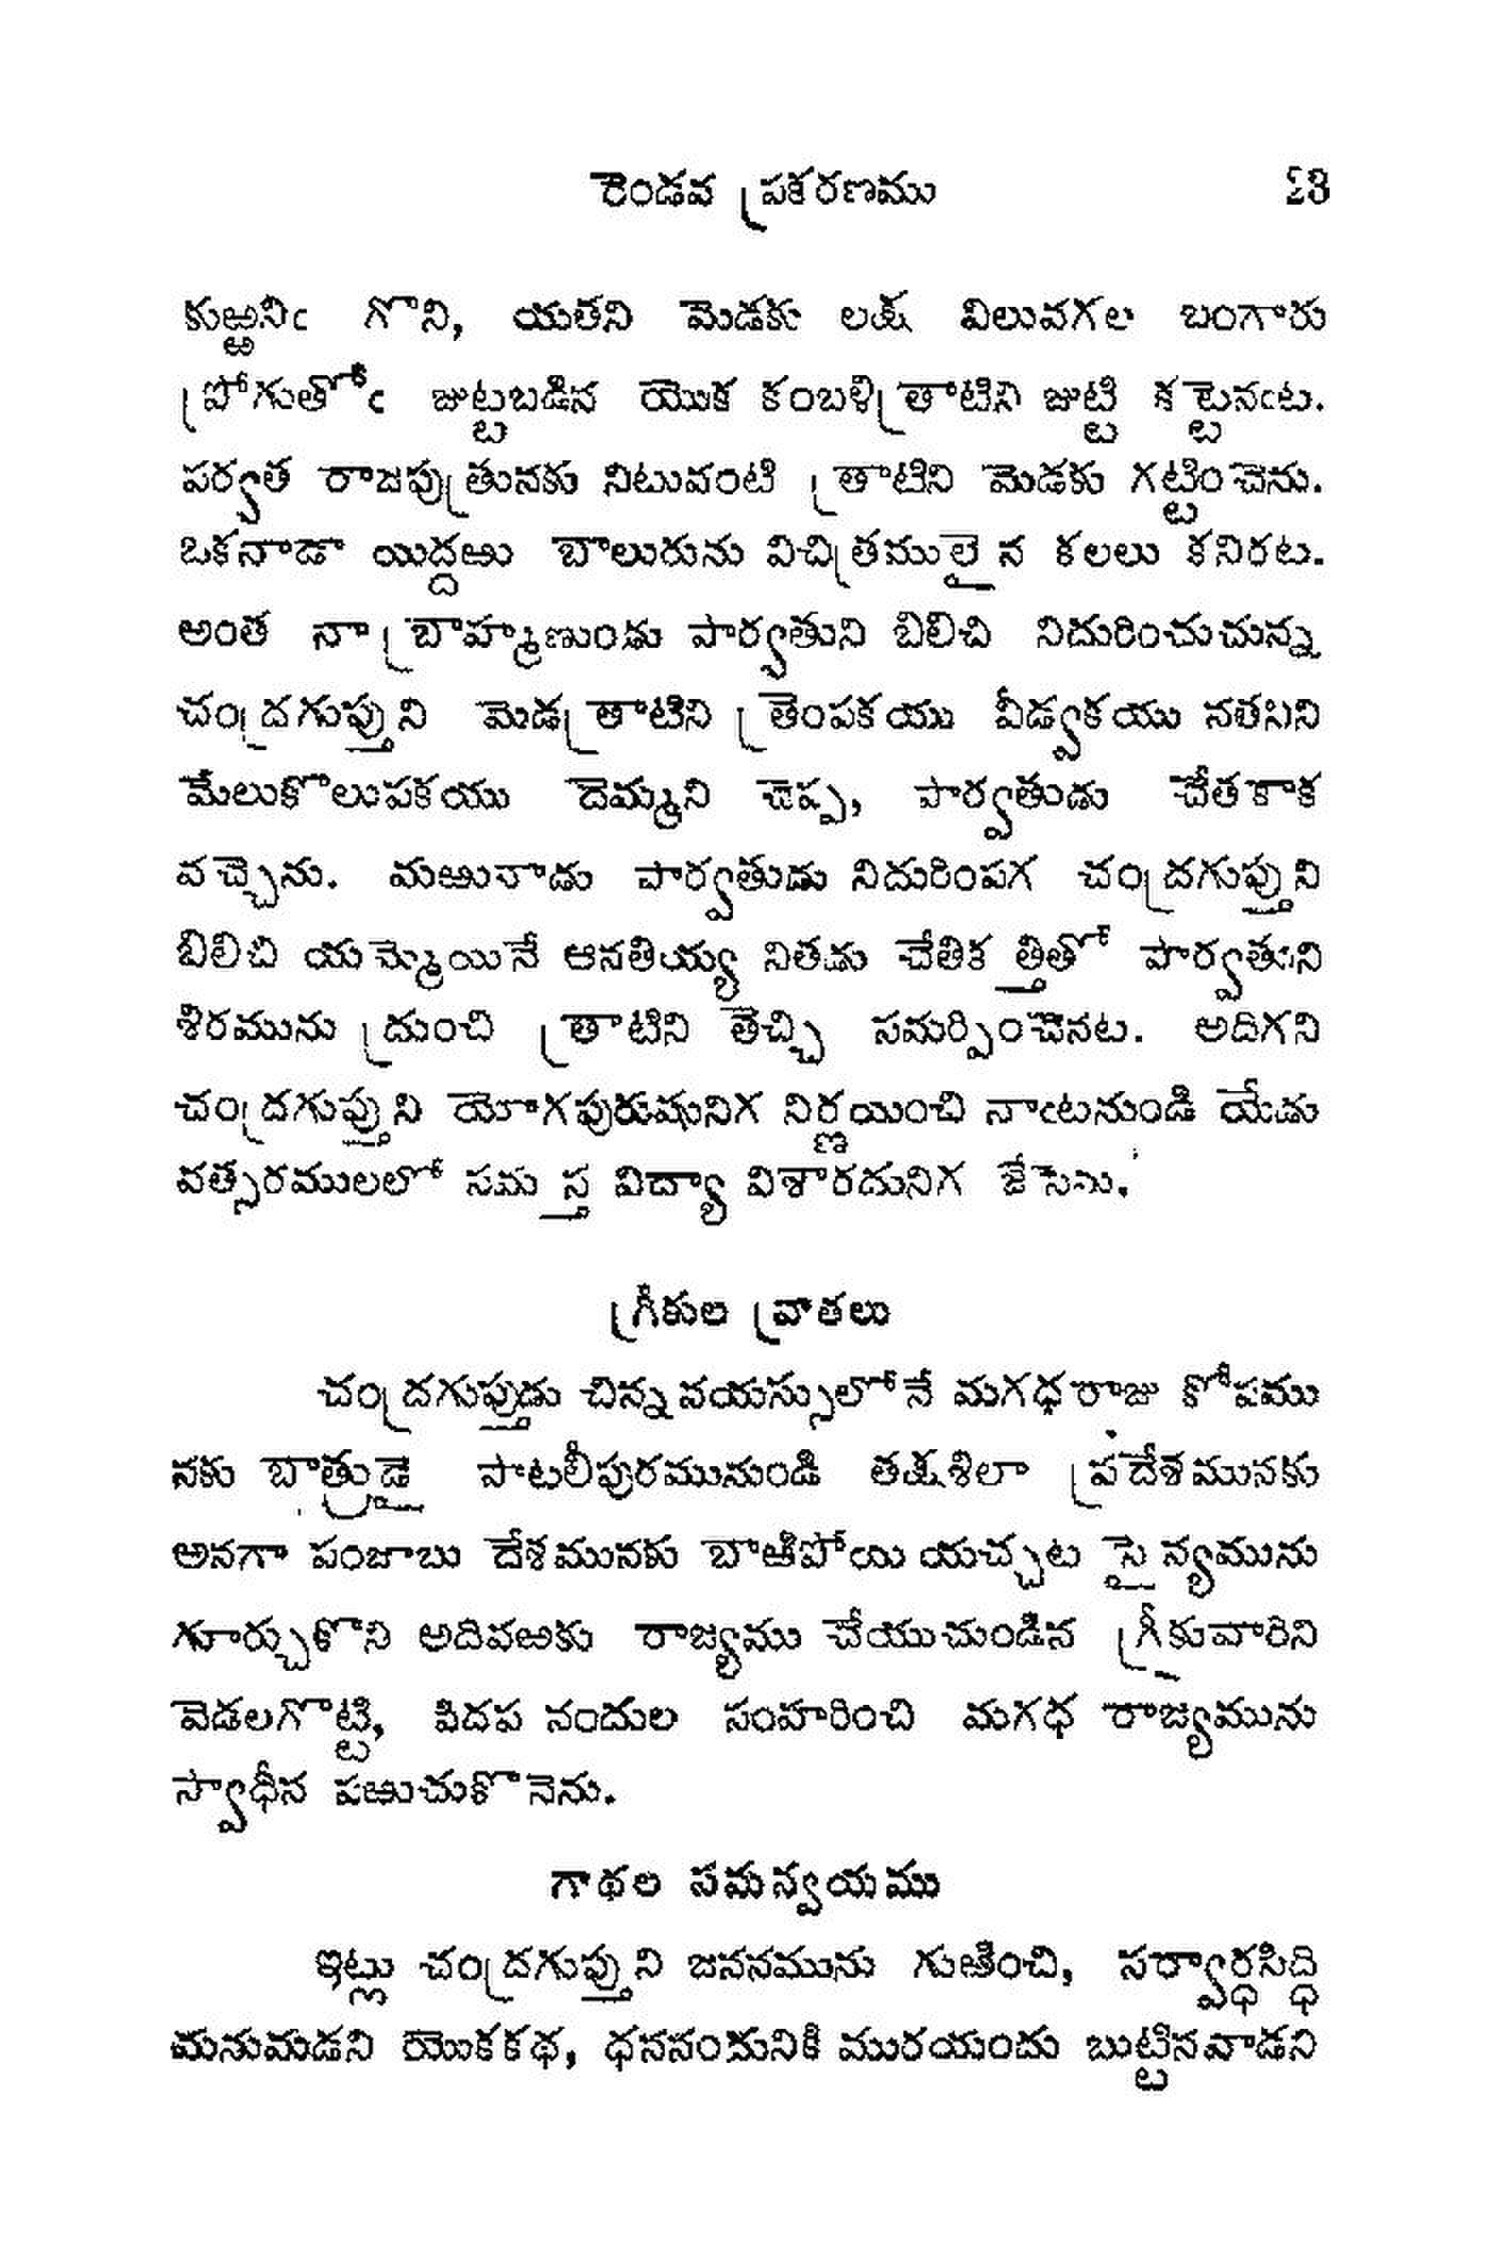కుఱ్ఱనిఁ గొని, యతని మెడకు లక్ష విలువగల బంగారు ప్రోగుతోఁ జుట్టబడిన యొక కంబళిత్రాటిని జుట్టి కట్టెనఁట. పర్వత రాజపుత్రునకు నిటువంటి త్రాటిని మెడకు గట్టించెను. ఒకనాడా యిద్దఱు బాలురును విచిత్రములైన కలలు కనిరట. అంత నా బ్రాహ్మణుండు పార్వతుని బిలిచి నిదురించుచున్న చంద్రగుప్తుని మెడత్రాటిని త్రెంపకయు వీడ్వకయు నతనిని మేలుకొలుపకయు దెమ్మని చెప్ప, పార్వతుడు చేతకాక వచ్చెను. మఱునాడు పార్వతుడు నిదురింపగ చంద్రగుప్తుని బిలిచి యమ్మెయినే ఆనతియ్య నితడు చేతికత్తితో పార్వతుని శిరమును ద్రుంచి త్రాటిని తెచ్చి సమర్పించెనట. అదిగని చంద్రగుప్తుని యోగపురుషునిగ నిర్ణయించి నాఁటనుండి యేడు వత్సరములలో సమస్త విద్యా విశారదునిగ జేసెను.

గ్రీకుల వ్రాతలు

చంద్రగుప్తుడు చిన్న వయస్సులోనే మగధరాజు కోపమునకు బాత్రుడై పాటలీపురమునుండి తక్షశిలా ప్రదేశమునకు అనగా పంజాబు దేశమునకు బాఱిపోయి యచ్చట సైన్యమును గూర్చుకొని అదివఱకు రాజ్యము చేయుచుండిన గ్రీకువారిని వెడలగొట్టి, పిదప నందుల సంహరించి మగధ రాజ్యమును స్వాధీన పఱుచుకొనెను.

గాథల సమన్వయము

ఇట్లు చంద్రగుప్తుని జనననును గుఱించి, సర్వార్ధసిద్ధి మనుమడని యొకకథ, ధననందునికి మురయందు బుట్టినవాడని